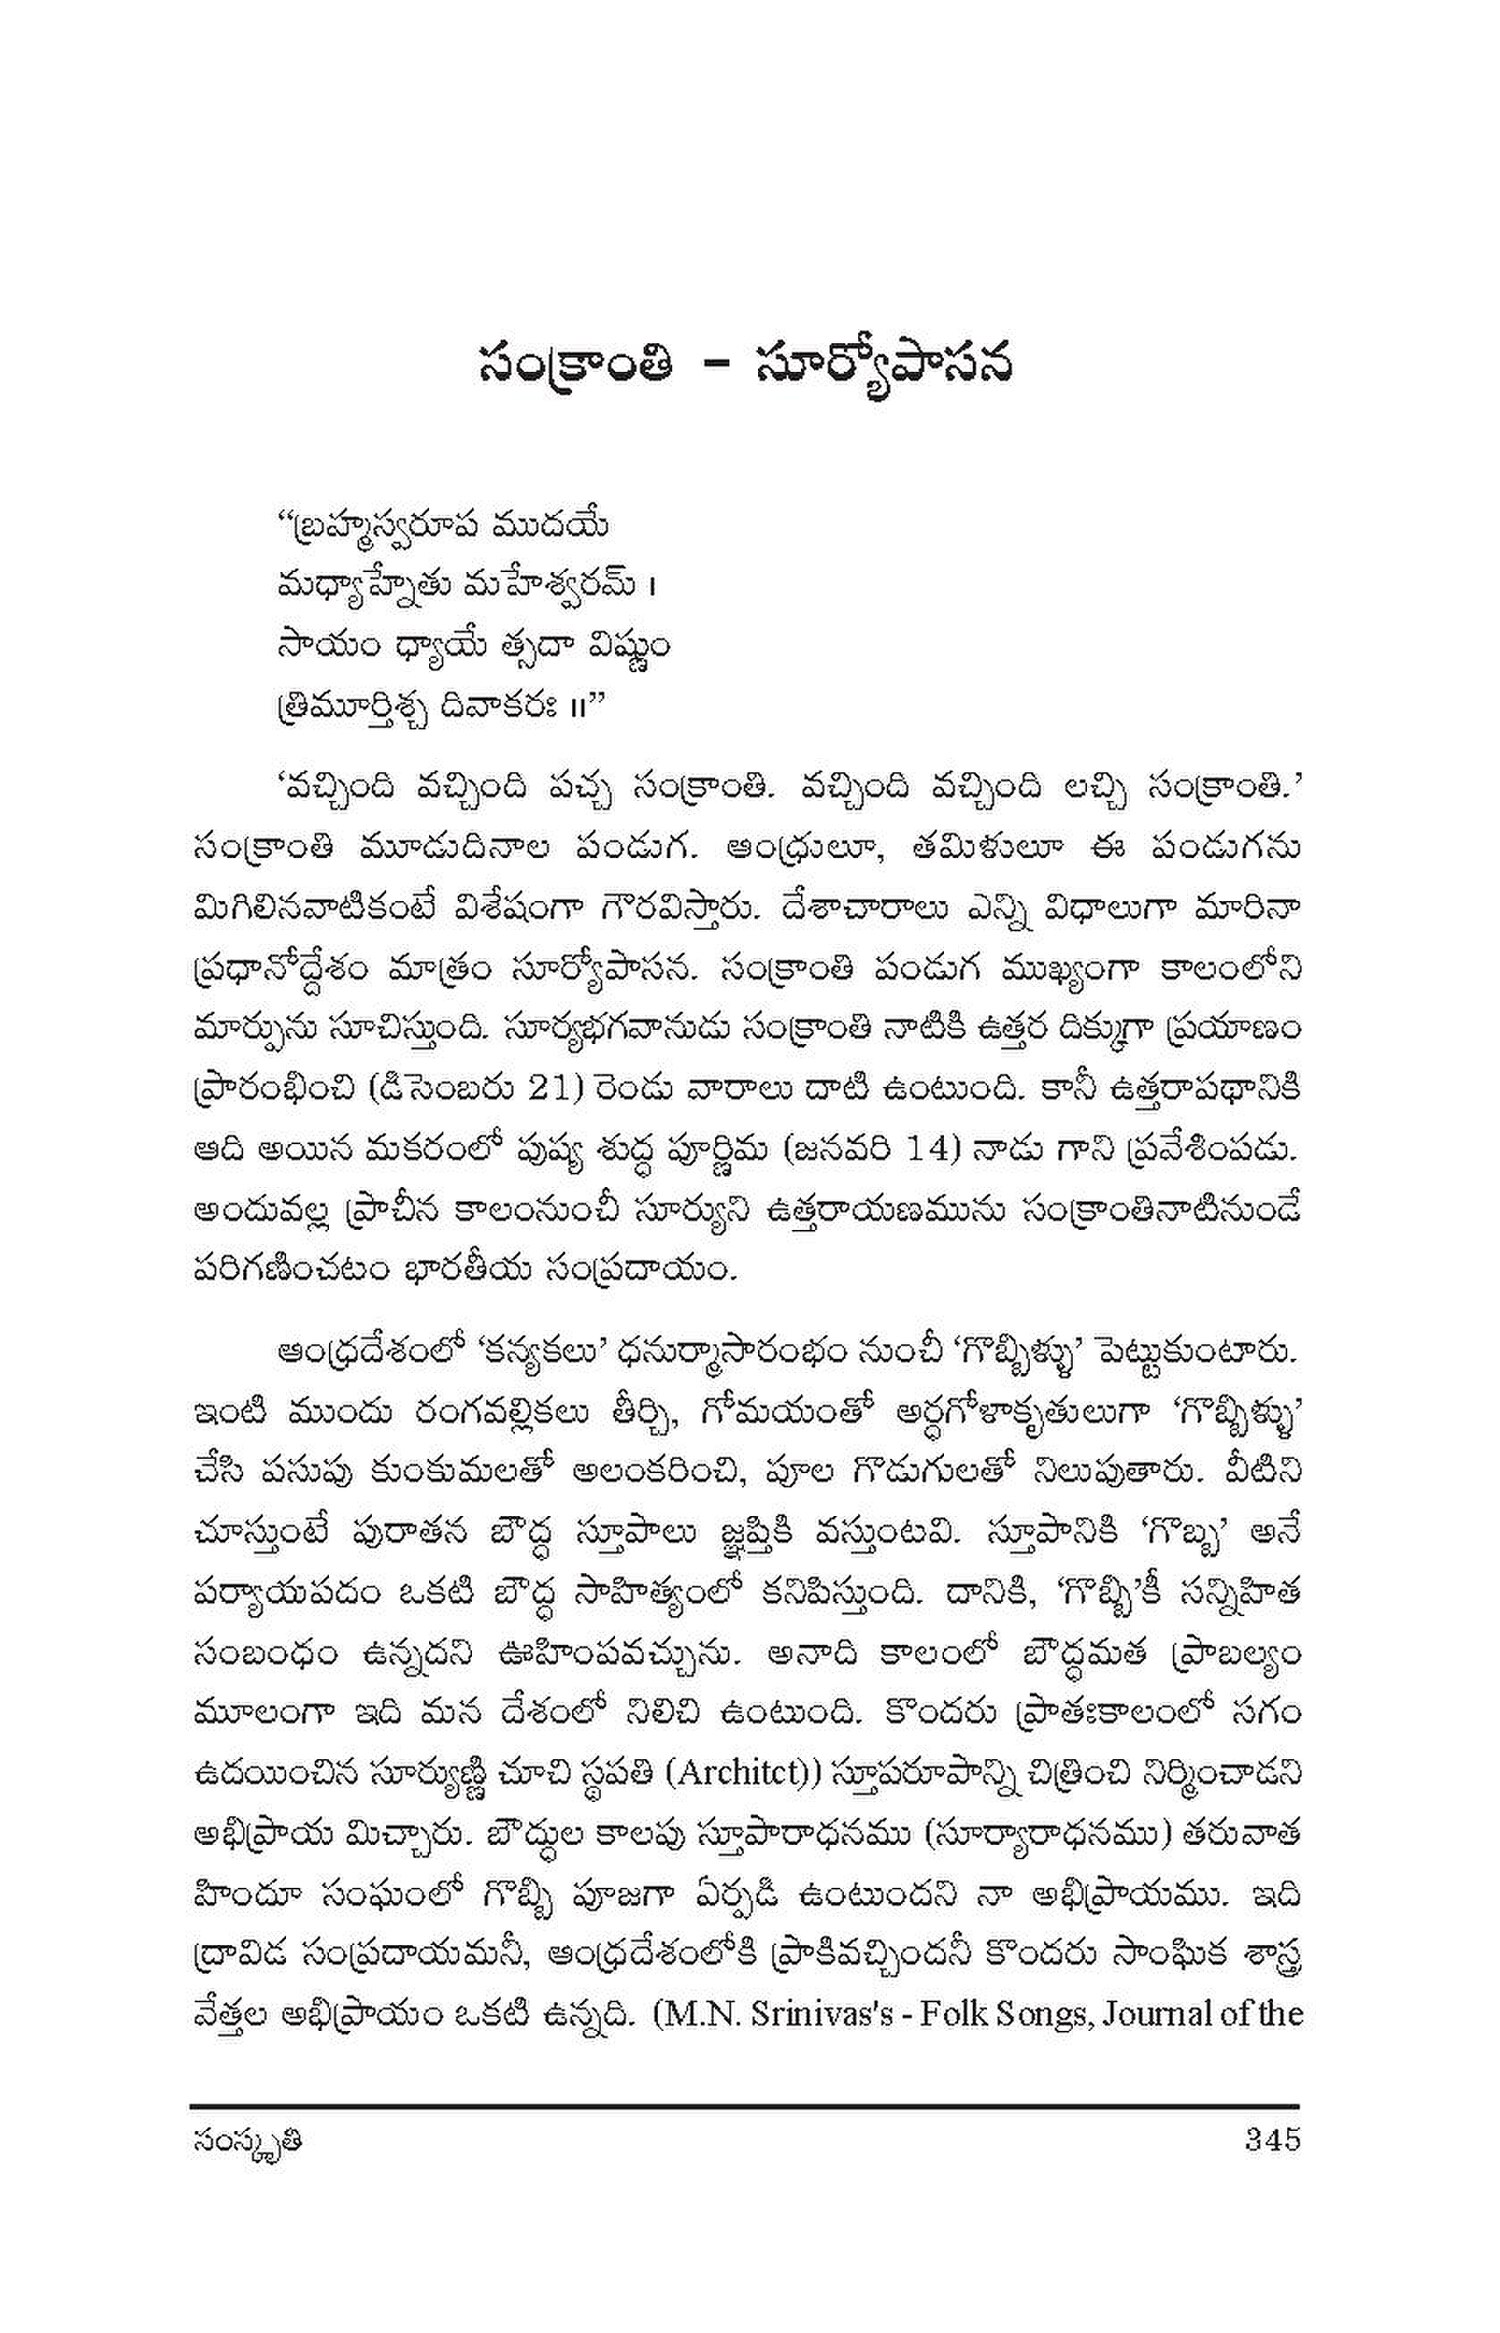సంక్రాంతి - సూర్యోపాసన

“బ్రహ్మస్వరూప ముదయే
మధ్యాహ్నేతు మహేశ్వరమ్‌।
సాయం ధ్యాయే త్సదా విష్ణుం
త్రిమూర్తిశ్చ దివాకరః ॥”

'వచ్చింది వచ్చింది పచ్చ సంక్రాంతి. వచ్చింది వచ్చింది లచ్చి సంక్రాంతి.'
సంక్రాంతి మూడుదినాల పండుగ. అంధ్రులూ, తమిళులూ ఈ పండుగను
మిగిలినవాటికంటే విశేషంగా గౌరవిస్తారు. దేశాచారాలు ఎన్ని విధాలుగా మారినా
ప్రధానోద్దేశం మాత్రం సూర్యోపాసన. సంక్రాంతి పండుగ ముఖ్యంగా కాలంలోని
మార్పును సూచిస్తుంది. సూర్యభగవానుడు సంక్రాంతి నాటికి ఉత్తర దిక్కుగా ప్రయాణం
ప్రారంభించి (డిసెంబరు 21) రెండు వారాలు దాటి ఉంటుంది. కానీ ఉత్తరాపథానికి
ఆది అయిన మకరంలో పుష్య శుద్ధ పూర్ణిమ (జనవరి 14) నాడు గాని ప్రవేశింపడు.
అందువల్ల ప్రాచీన కాలంనుంచీ సూర్యుని ఉత్తరాయణమును సంక్రాంతినాటినుండే
పరిగణించటం భారతీయ సంప్రదాయం.

ఆంధ్రదేశంలో 'కన్యకలు' ధనుర్మాసారంభం నుంచీ “గొబ్బిళ్ళు” పెట్టుకుంటారు.
ఇంటి ముందు రంగవల్లికలు తీర్చి, గోమయంతో అర్ధగోళాక్ళతులుగా 'గొబ్బిళ్ళు'
చేసి పసుపు కుంకుమలతో అలంకరించి, పూల గొడుగులతో నిలుపుతారు. వీటిని
చూస్తుంటే పురాతన బౌద్ధ స్తూపాలు జ్ఞప్తికి వస్తుంటవి. స్తూపానికి 'గొబ్బ' అనే
పర్యాయపదం ఒకటి బౌద్ధ సాహిత్యంలో కనిపిస్తుంది. దానికి, 'గొబ్బి'కీ సన్నిహిత
సంబంధం ఉన్నదని ఊహింపవచ్చును. అనాది కాలంలో బౌద్ధమత ప్రాబల్యం
మూలంగా ఇది మన దేశంలో నిలిచి ఉంటుంది. కొందరు ప్రాతఃకాలంలో సగం
ఉదయించిన సూర్యుణ్ణి చూచి స్ధపతి (Architct) స్తూపరూపాన్ని చిత్రించి నిర్మించాడని
అభిప్రాయ మిచ్చారు. బౌద్ధుల కాలపు స్తూపారాధనము (సూర్యారాధనము) తరువాత
హిందూ సంఘంలో గొబ్బి పూజగా ఏర్పడి ఉంటుందని నా అభిప్రాయము. ఇది
ద్రావిడ సంప్రదాయమనీ, ఆంధ్రదేశంలోకి ప్రాకివచ్చిందనీ కొందరు సాంఘిక శాస్త్ర
వేత్తల అభిప్రాయం ఒకటి ఉన్నది. (M. N. Srinivas's - Folk songs, Journal of the